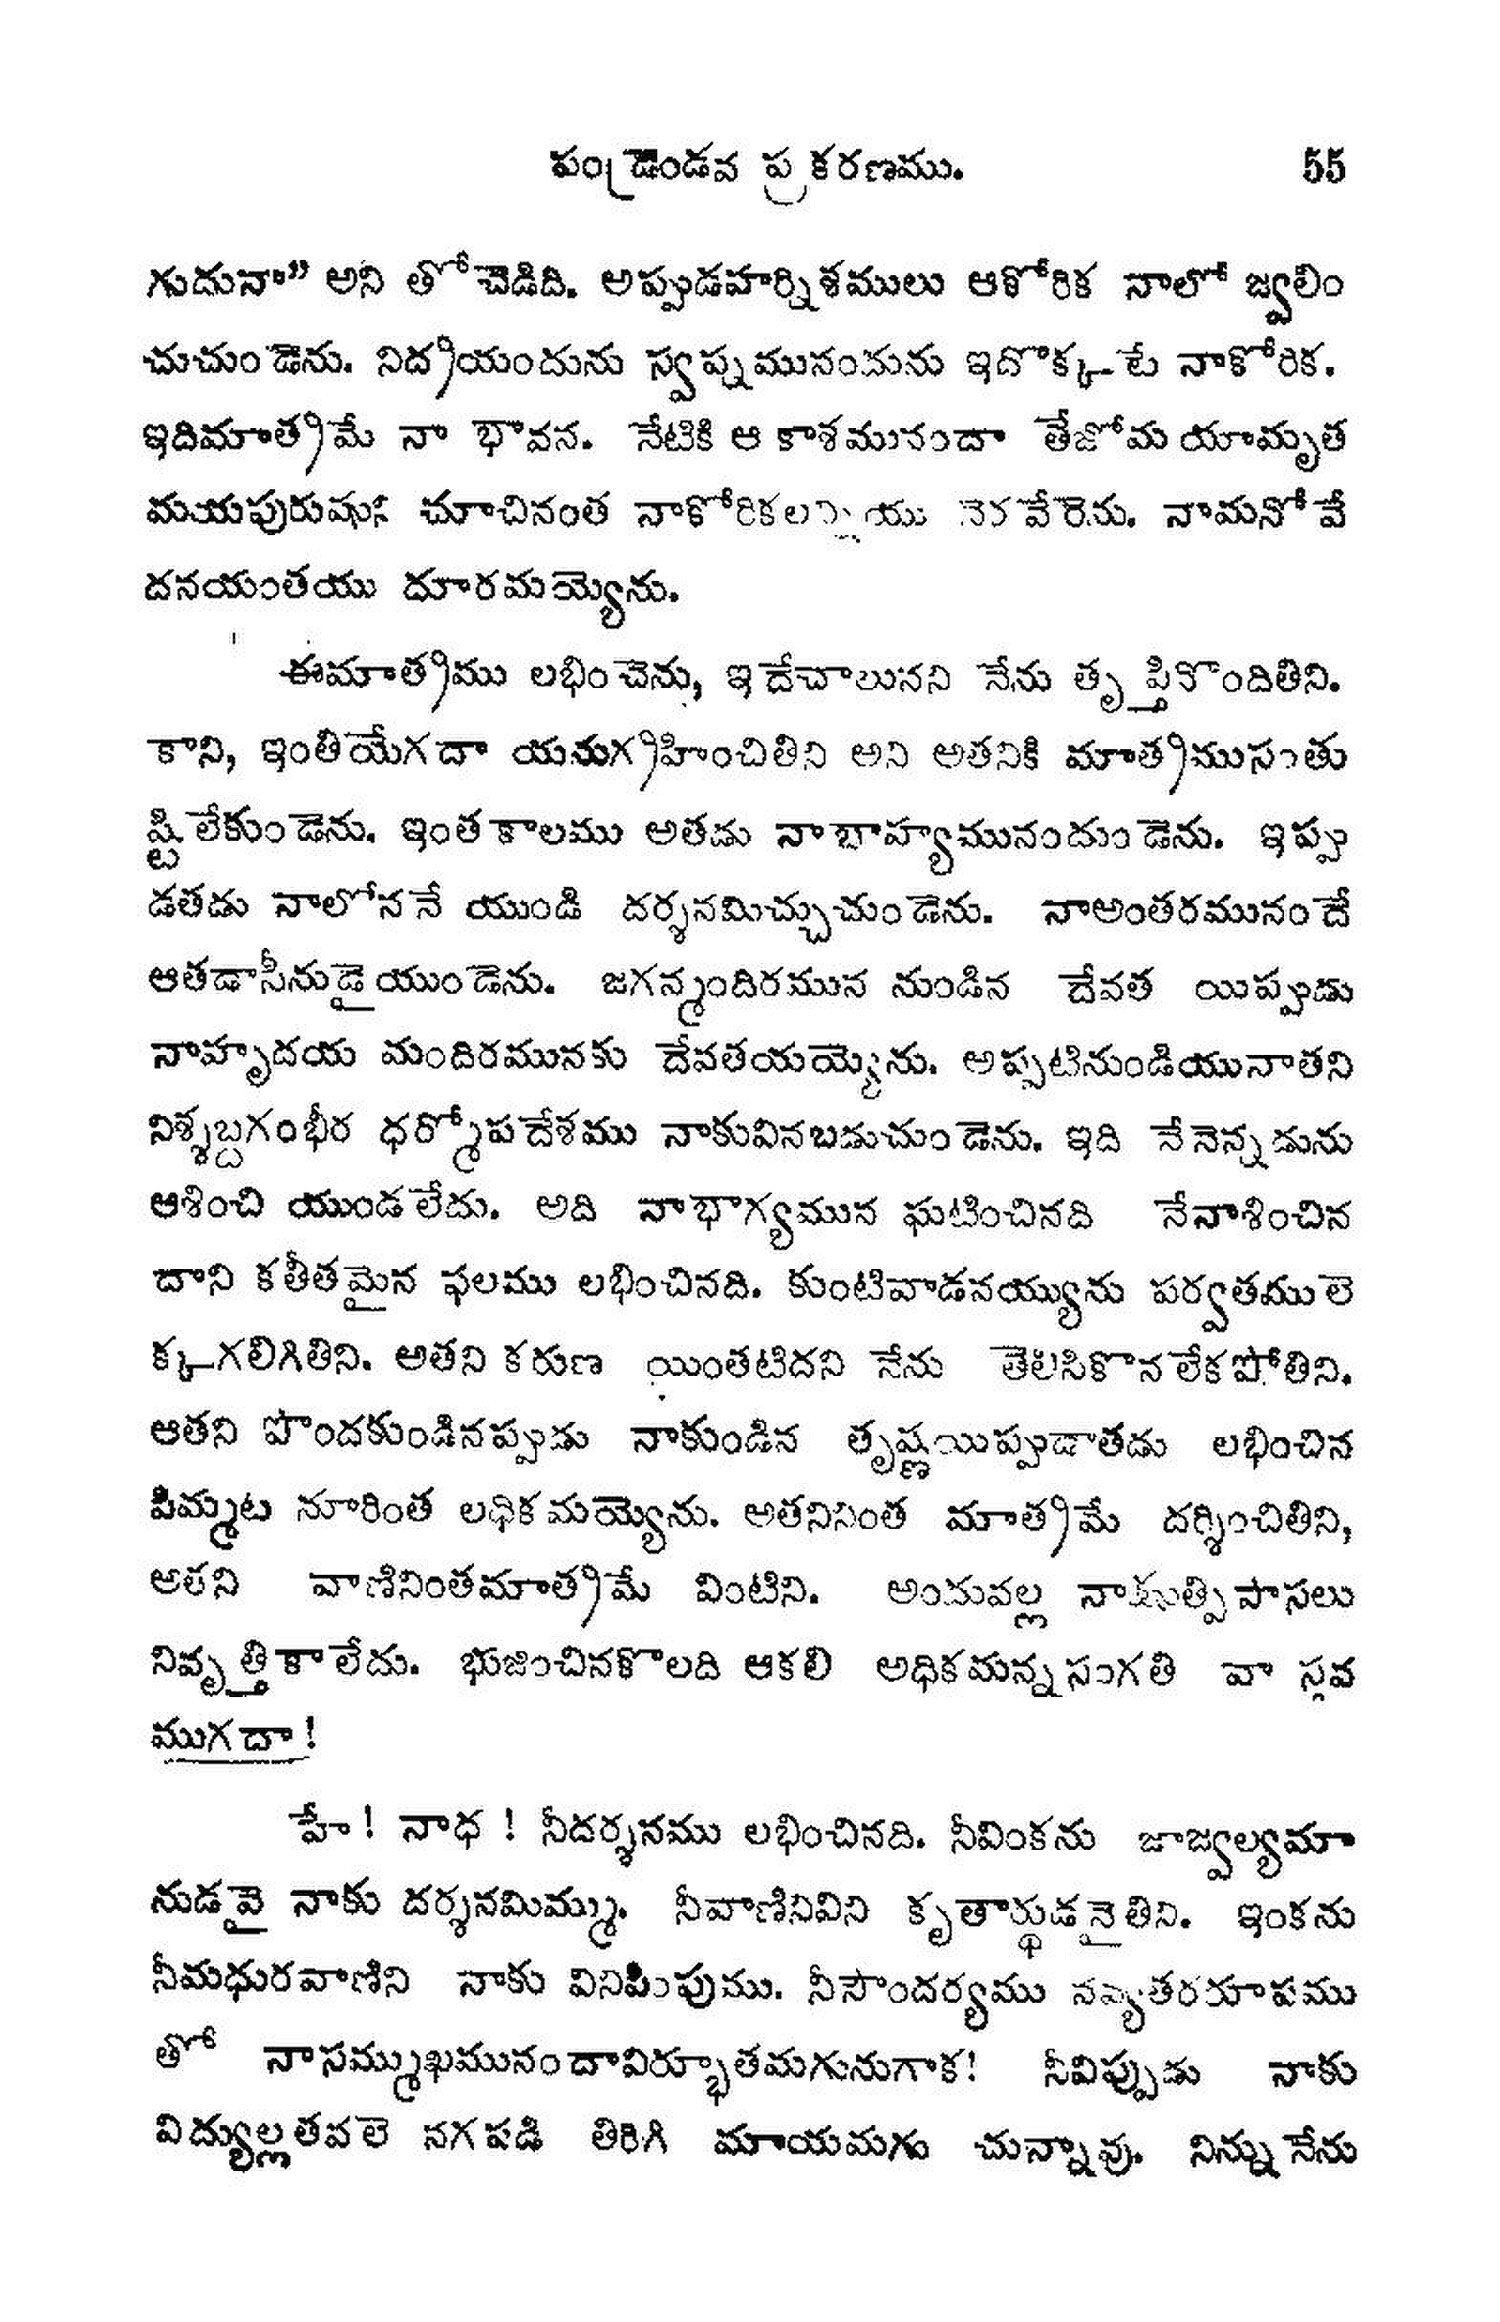గుదునా?” అని తోచెడిది. అప్పుడహర్నిశములు ఆకోరిక నాలో జ్వలిం
చుచుండెను. నిద్రయందును స్వప్నమునందును ఇదొక్కటే నాకోరిక .
ఇదిమాత్రమే నా భావన. నేటికి ఆకాశమునందా తేజోమ యామృత
మయపురుషుని చూచినంత నాకోరికలున్నియు నెరవేరెను. నామనో
వేదన యంతయు దూరమయ్యెను.

ఈమాత్రము లభించెను, ఇదేచాలునని నేను తృప్తి పొందితిని.
కాని, ఇంతియేగదా యనుగ్రహించితిని అని అతనికి మాత్రము సంతృప్తి
లేకుండెను. ఇంతకాలము అతడు నా బాహ్యమునందుండెను. ఇప్పు
డతడు నాలోన నే యుండి దర్శన మిచ్చుచుండెను. నాఅంతరము నందే
ఆతడాసీనుడై యుండెను. జగన్మందిరమున నుండిన దేవత యిప్పుడు
నాహృదయ మందిరమునకు దేవతయయ్యెను. అప్పటినుండియు నాతని
నిశ్శబ్దగంభీర ధర్మోపదేశము నాకు వినబడుచుండెను. ఇది నేనెన్నడును
ఆశించి యుండలేదు. అది నాభాగ్యమున ఘటించినది. నేనాశించిన
దాని కతీతమైన ఫలము లభించినది. కుంటివాడనయ్యును పర్వతము 
లెక్కగలిగితిని. అతని కరుణ యింతటిదని నేను తెలిసికొన లేకపోతిని.
ఆతని పొందకుండినప్పుడు నాకుండిన తృష్ణ యిప్పుడాతడు లభించిన
పిమ్మట నూరింత లధిక మయ్యెను. అతని నింత మాత్రమే దర్శించితిని,
వాణినింతమాత్రమే వింటిని. అందువల్ల నాక్షుత్పిపాసలునివృత్తికాలేదు. భుజించినకొలది ఆకలి అధికమన్న సంగతి వాస్తవముముగదా!

హే ! నాధ ! నీదర్శనము లభించినది. నీవింకను జాజ్వల్యమా
నుడవై నాకు దర్శనమిమ్ము, నీవాణినివిని కృతార్థుడ నైతిని. ఇంకను
నీ మధురవాణిని నాకు వినిపింపుము. నీ సౌందర్యము నన్యతర రూపము
నాసమ్ముఖమునం దావీర్భూతమగునుగాక! నీవిప్పుడు నాకు
విద్యుల్లతవలె నగపడి తిరిగి మాయమగు చున్నావు. నిన్ను నేను